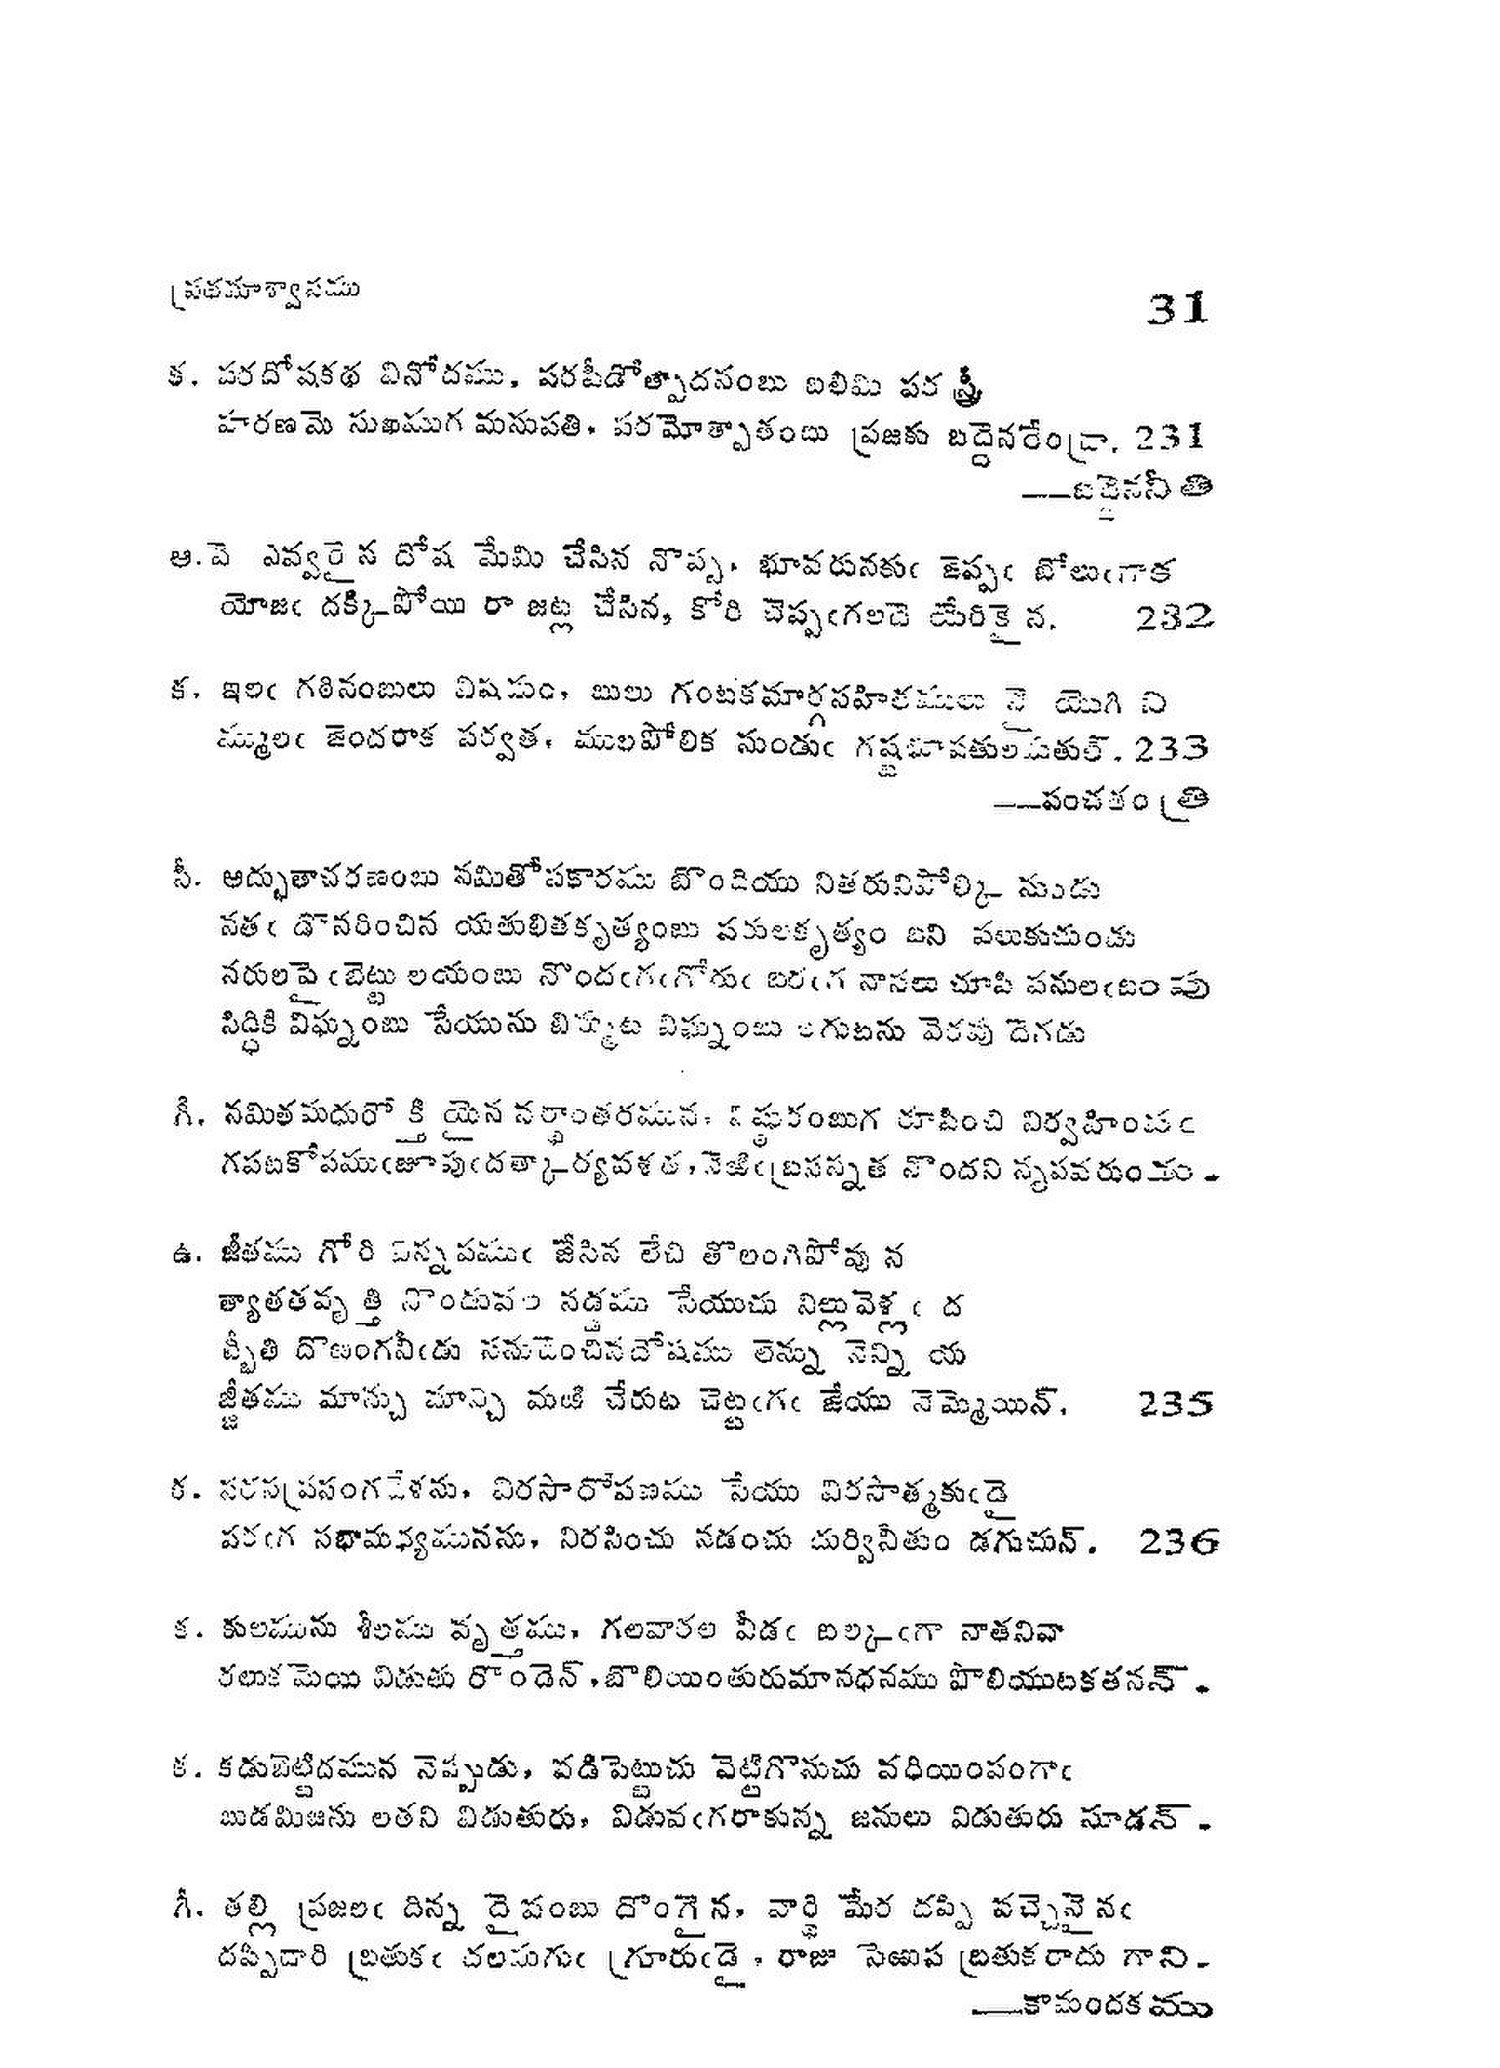క. పరదోషకథ వినోదము
పరపీడనోత్పాదనంబు బలిమి పరస్త్రీ
హరణమె సుఖముగ మనుపతి
పరమోత్పాతంబు ప్రజకు బద్దెనరేంద్రా. 231

ఆ. ఎవ్వరైన దోష మేమి చేసిన నొప్ప
భూవరునకుఁ జెప్పఁ బోలుఁగాక
యోజఁ దక్కిపోయి రా జట్ల చేసిన
కోరి చెప్పఁగలదె యేరికైన. 232

క. ఇలఁ గఠినంబులు విషమం
బులు గంటకమార్గసహితములు నై యోగి ని
మ్ములఁ జెందరాక పర్వత
ములపోలిక నుండుఁ గష్టభూపతుల సుతుల్. 233

సీ. అద్భుతాచరణంబు నమితోపకారము
బొందియు నితరునిపోల్కి నుండు
నతఁ డొనరించిన యతులితకృత్యంబు
పరులకృత్యం బని పలుకుచుండు
నరులపైఁ బెట్టు లయంబు నొందఁగఁ గోరుఁ
బరఁగ నాసలు చూపి పనులఁ బంపు
సిద్ధికి విఘ్నంబు సేయును బిమ్మట
విఘ్నంబు లగుటను వెరవు దెగడు
గీ. నమితమధురోక్తి యైన నర్థాంతరమున
నిష్ఠురంబుగ రూపించి నిర్వహింపఁ
గపటకోపముఁ జూపుఁ దత్కార్యవశత
నెఱిఁ బ్రసన్నత నొందని నృపవరుండు. 234

ఉ. జీతము గోరి విన్నపముఁ జేసిన లేచి తొలంగిపోవు న
త్యాతతవృత్తి నొండువల నడ్డము సేయుచు నిల్లువెళ్ళఁ ద
ద్భీతి దొఱంగనీఁడు ననుదెంచిన దోషము లెన్ను నెన్ని య
జ్జీతము మాన్చు మాన్చి మఱి చేరుట చెట్టఁగఁ జేయు నెమ్మెయిన్. 235

క. సరసప్రసంగవేళను
విరసారోపణము సేయు విరసాత్మకుఁడై
పరఁగ సభామధ్యమునను
నిరసించు నడంచు దుర్వినీతుం డగుచున్. 236

క. కులమును శీలము వృత్తము
గలవారల వీడఁ బల్కఁగా నాతనివా
రలుకమెయి విడుతు రొండెన్
బొలియింతురు మానధనము పొలియుట కతనన్. 237

క. కడుబెట్టిదమున నెప్పుడు
వడిపెట్టుచు వెట్టిగొనుచు వధియింపంగాఁ
బుడమిజను లతని విడుతురు
విడువఁగ రాకున్న జనులు విడుతురు సూడన్. 238

గీ. తల్లి ప్రజలఁ దిన్న దైవము దొంగైన
వార్థి మేర దప్పి వచ్చెనైనఁ
దప్పిదారి బ్రతుకఁ దలమగుఁ గ్రూరుఁడై
రాజి సెఱుప బ్రతుకరాదు గాని. 239